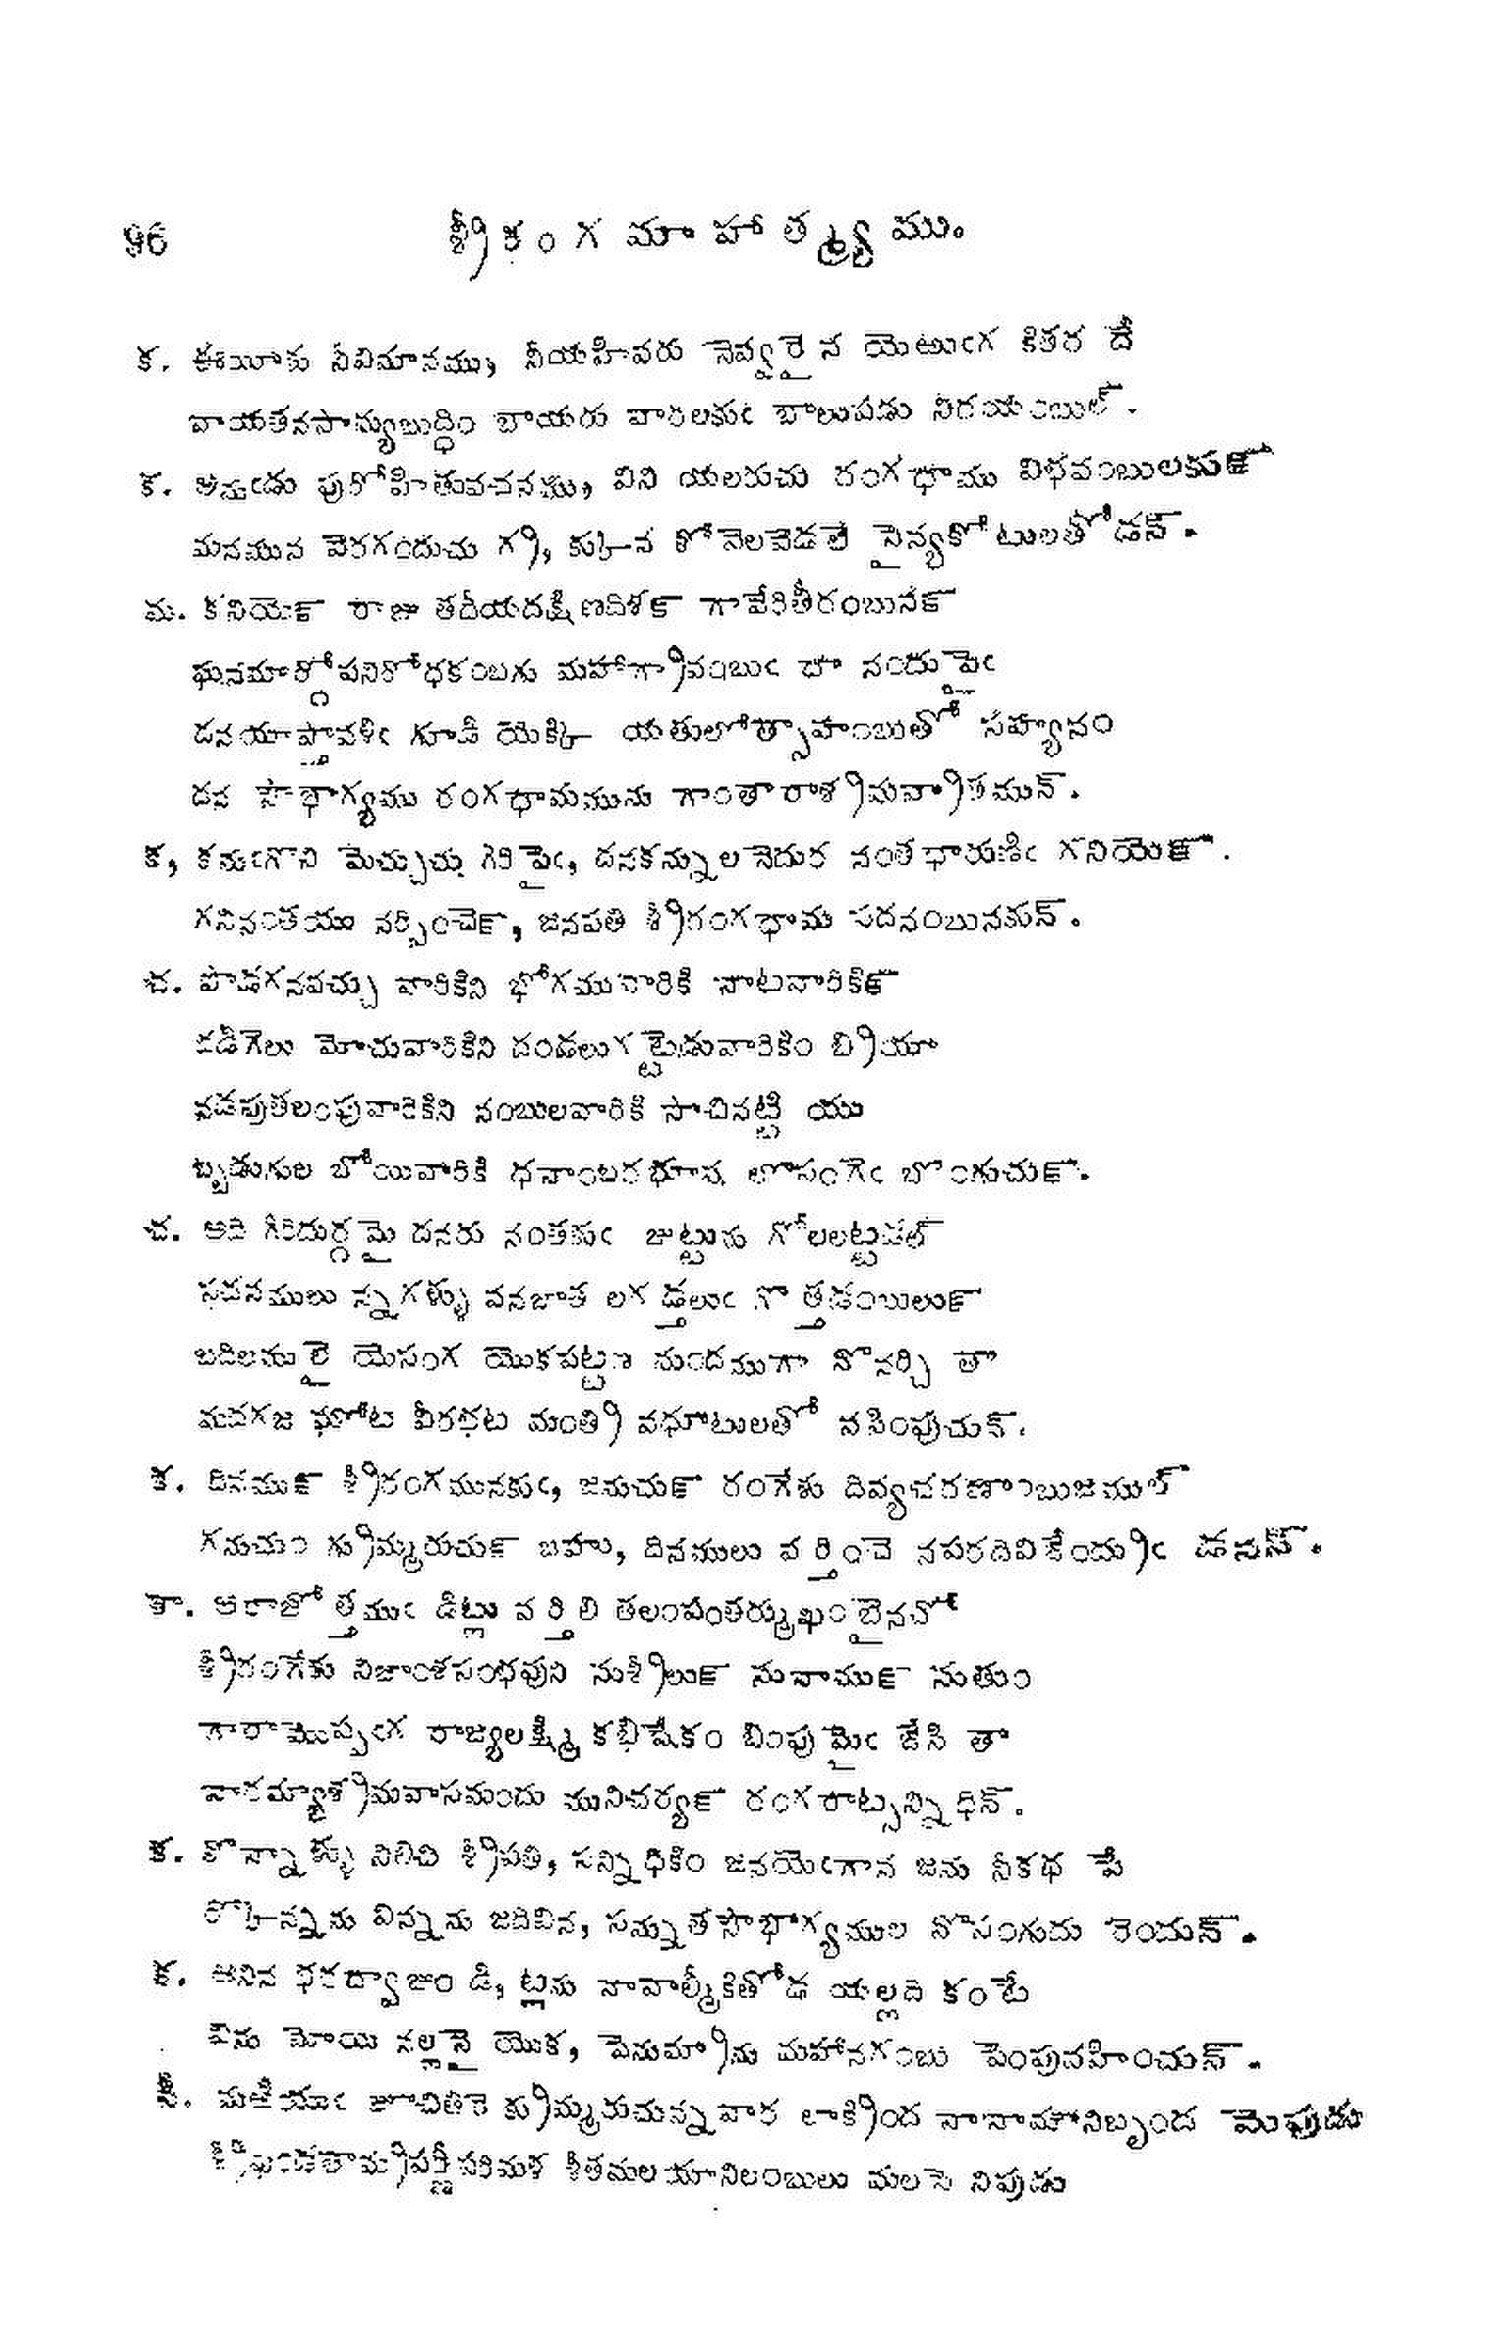క. ఈయీకు నీవిమానము, నీయహివరు నెవ్వరైన యెఱుఁగ కితర దే
 వాయతనసామ్యబుద్దిం బాయరు వారలకుఁ బాలుపడు నిరయంబుల్.
క. అనుఁడు పురోహితువచనము, విని యలరుచు రంగధాము విభవంబులకున్
 మనమున వెరగందుచు గ్ర, క్కున కోవెల వెడలె సైన్యకోటులతోడన్.
మ. కనియెన్ రాజు తదీయదక్షిణదిశన్ గావేరితీరంబునన్
 ఘనమార్గోపనిరోధకంబగు మహాగ్రావంబుఁ దా నందుపైఁ
 దనయాప్తావళిఁ గూడి యెక్కి యతులోత్సాహంబుతో సహ్యనం
 దన సౌభాగ్యము రంగధామమును గాంతారాశ్రమవ్రాతమున్.
క. కనుఁగొని మెచ్చుచు గిరిపైఁ, దనకన్నులనెదుర నంతధారుణిఁ గనియెన్
 గనినంతయు నర్చించెన్, జనపతి శ్రీరంగధామ సదనంబునకున్.
చ. పొడగనవచ్చు వారికిని భోగమువారికి నాటకారికిన్
 దడిగెలు మోచువారికిని దండలుగట్టెడువారికిం బ్రియా
 నడపుతలంపువారికిని నంబులవారికి సాచినట్టి యు
 బ్బడుగుల బోయివారికి ధనాంబరభూష లొసంగెఁ బొంగుచున్.
చ. అది గిరిదుర్గమై దనరు నంతకుఁ జుట్టును గోలలట్టడల్
 సదనములు న్నగళ్ళు వనజాత లగడ్తలుఁ గొత్తడంబులున్
 బదిలములై యెసంగ యొకపట్టణ మందముగా నొనర్చి తా
 మదగజ ఘోట వీరభట మంత్రి వధూటులతో వసింపుచున్.
క. దినమున్ శ్రీరంగమునకుఁ, జనుచున్ రంగేశు దివ్యచరణాంబుజముల్
 గనుచుం గుమ్మరుచున్ బహు, దినములు వర్తించె నపరదివిజేంద్రుఁ డనన్.
శా. ఆరాజోత్తముఁ డిట్లు వర్తిలి తలంపంతర్ముఖంబైనచో
 శ్రీరంగేశు నిజాంశసంభవుని సుశ్రీలున్ సునామున్ సుతుం
 గారామొప్పఁగ రాజ్యలక్ష్మి కభిషేకం బింపుమైఁ జేసి తా
 నారమ్యాశ్రమవాసమందు మునిచర్యన్ రంగరాట్సన్నిధిన్.
క. కొన్నాళ్ళు నిలిచి శ్రీపతి, సన్నిధికిం జనయెఁగాన జను నీకథ పే
 ర్కొన్నను విన్నను జదివిన, సన్నుతసౌభాగ్యముల నొసంగుదు రెందున్.
క. అనిన భరద్వాజుం డి, ట్లను నావాల్మీకితోడ యల్లది కంటే
 విను మోయి నల్లనై యొక, పెనుమ్రాను మహానగంబు పెంపువహించున్.
సీ. మఱియుఁ జూచి క్రుమ్మరుచున్నవార లాక్రింద నానామౌనిబృంద మెపుడు
 శ్రీఖండతామ్రపర్ణీపరిమళ శీతమలయానిలంబులు మలసె నిపుడు